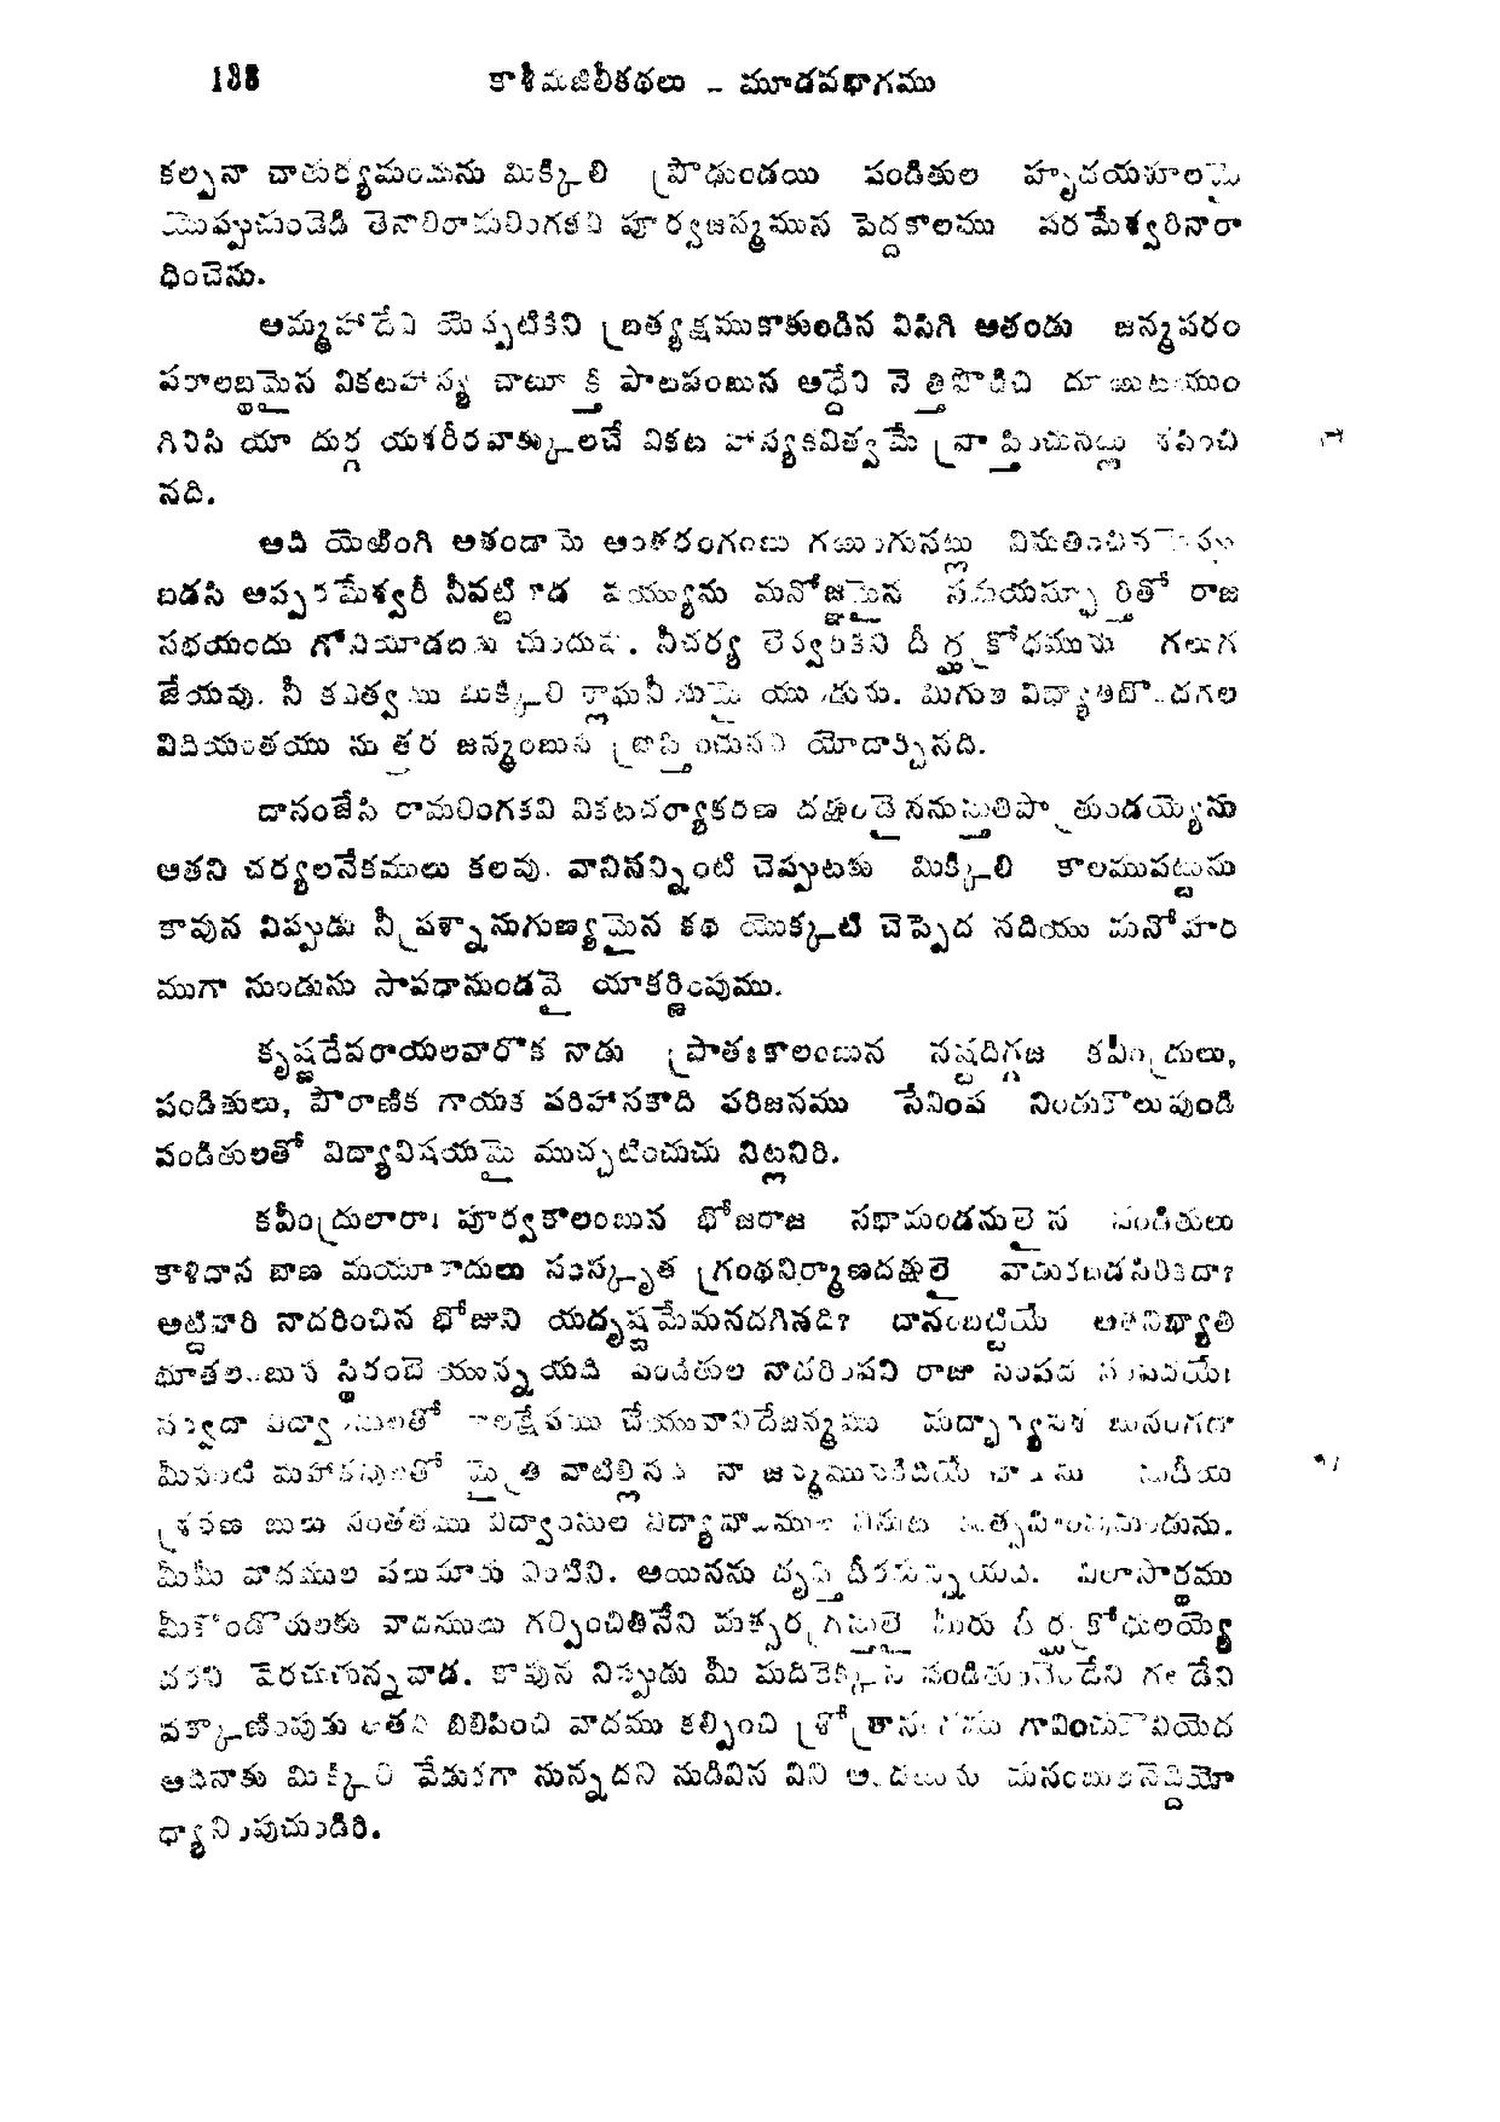కల్పనా చాతుర్యమందును మిక్కిలి ప్రౌఢుండయి పండితుల హృదయశూలమై యొప్పుచుండెడి తెనాలిరామలింగకవి పూర్వజన్మమున పెద్దకాలము పరమేశ్వరి నారాధించెను.

అమ్మహాదేవి యెప్పటికిని బ్రత్యక్షముకాకుండిన విసిగి అతండు జన్మపరంపరాలబ్ధమైన వికటహాస్య చాటూక్తి పాటవంబున అద్దేవి నెత్తిపొడిచి దూఱుటయుం గినిసి యా దుర్గ యశరీరవాక్కులచే వికటహాస్యకవిత్వమే ప్రాప్తించునట్లు శపించినది.

అది యెఱింగి అతండామె అంతరంగంబు గఱుంగునట్లు వినుతించినమెప్పు బడసి అప్పరమేశ్వరీ నీవట్టివాడ వయ్యును మనోజ్ఞమైన సమయస్ఫూర్తితో రాజసభయందు గొనియాడబడుచుందువు. నీచర్య లెవ్వరికిని దీర్ఘక్రోధమును గలుగ జేయవు. నీ కవిత్వము మిక్కిలి శ్లాఘనీయమై యుండును. మిగుల విఖ్యాతిబొందగల విదియంతయు నుత్తరజన్మంబున బ్రాప్తించునని యోదార్చినది.

దానంజేసి రామలింగకవి వికటచర్యాకరణదక్షుండైనను స్తుతిపాత్రుండయ్యెను. ఆతని చర్యలనేకములు కలవు. వానినన్నింటి చెప్పుటకు మిక్కిలి కాలముపట్టును. కావున నిప్పుడు నీప్రశ్నానుగుణ్యమైన కథ యొక్కటి చెప్పెద. నదియు మనోహరముగా నుండును. సావధానుండవై యాకర్ణింపుము.

కృష్ణదేవరాయలవా రొకనాడు ప్రాతఃకాలంబున నష్టదిగ్గజకవీంద్రులు, పండితులు, పౌరాణిక గాయక పరిహాసకాది పరిజనము సేవింప నిండుకొలువుండి పండితులతో విద్యావిషయమై ముచ్చటించుచు నిట్లనిరి.

కవీంద్రులారా! పూర్వకాలంబున భోజరాజ సభామండనులైన పండితులు కాళిదాస బాణ మయూరాదులు సంస్కృతగ్రంథనిర్మాణదక్షులై వాడుకబడసిరికదా? అట్టివారి నాదరించిన భోజుని యదృష్టమేమనదగినది? దానంబట్టియే అతనిఖ్యాతి భూతలంబున స్థిరంబై యున్న యది పండితుల నాదరింపని రాజు సంపద సంపదయే! సర్వదా విద్వాంసులతో కాలక్షేపము చేయువానిదేజన్మము మద్భాగ్యవశంబునంగదా మీవంటి మహాకవులతో మైత్రి వాటిల్లినది నా జన్మమునకిదియే చాలును మదీయ శ్రవణంబులు సంతతము విద్వాంసుల విద్యావాదముల వినుట నుత్సహింపుచుండును. మీమీ వాదముల పలుమారు వింటిని. అయినను దృప్తిదీరకున్నయది. విలాసార్థము మీకొండొరులకు వాదములు గల్పించితినేని మత్సరగ్రస్తులై మీరు దీర్ఘక్రోధులయ్యెదరని వెరచుచున్నవాడ. కావున నిప్పుడు మీ మదికెక్కిన పండితుం డెందేని గలడేని
వక్కాణింపుడు ఆతని బిలిపించి వాదము కల్పించి శ్రోత్రానందము గావించుకొనియెద అది నాకు మిక్కిలి వేడుకగా నున్నదని నుడివిన విని అందఱును మనంబుల నెద్దియో ధ్యానింపుచుండిరి.